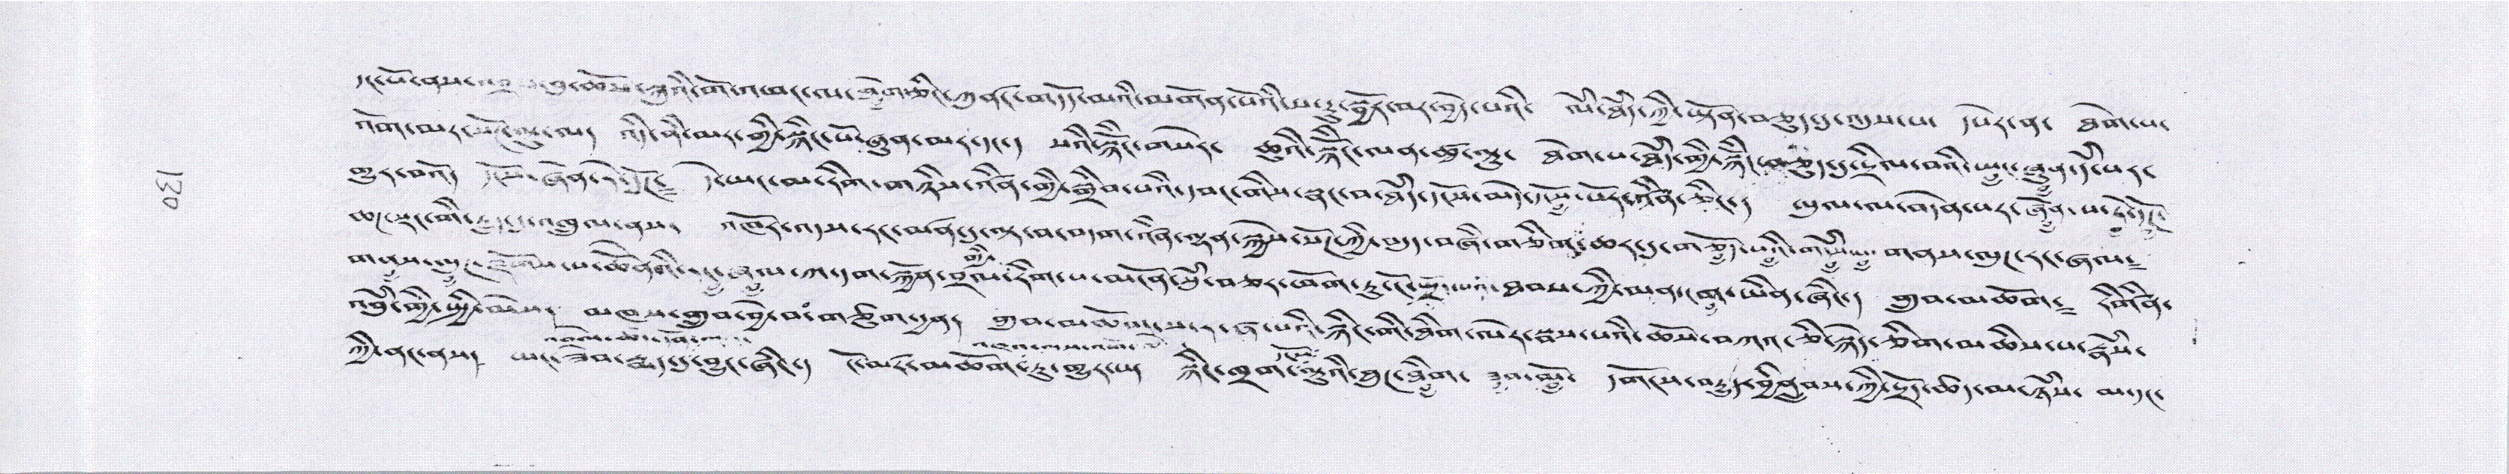དང་པོ་ནས་འབྲས་བུ་ཆོས་སྐུའི་གོ་འཕང་ལ་ཐེག་ཅིང་ཀུན་བཟང་གདོད་མའི་མགོན་པོའི་ས་རུ་སྦྱོར་བར་བྱེད་པའི། ལམ་ཐམས་ཅད་ཀྱི་ཡོན་ཏན་བཅུད་དུ་འདུས་པ། དཔེར་ན་ཐེག་པ་
འོག་མར་སོགས་ལྟ་བུ་ལ། འདི་ནི་མར་གྱི་སྙིང་པོ་ཞུན་མར་དང་། ས་ཡི་སྙིང་པོ་གསེར། ཆུའི་སྙིང་པོ་ལན་ཚྭ་ལྟ་བུ། ཐེག་པ་ཐམས་ཅད་ཀྱི་སྙིང་པོ་བཅུད་དུ་དྲིལ་བའི་ཡང་ཞུན་དམ་པར་
གྱུར་པའོ། དངོས་ཞེན་རེ་དྭོགས། དེ་ཡང་མ་རིག་གཉིས་འཛིན་གྱི་སྒྲིབ་པའི་དབང་གིས་སྣང་བ་ཐམས་ཅད་དངོས་མེད་དངོས་པོར་འཛིན་ཅིང་། ཡུལ་ལ་བདེན་པར་ཞེན་པ་རེ་དྭོགས་
ཆགས་སྡང་གི་རྒྱུད་དུ་འཁྲུལ་ནས་འཁོར་འདས་རང་མཚན་དུ་ལྟ་བ་བདག་འཛིན་ལྷན་སྐྱེས་སོགས་ཀྱི་བདུད་བཞི་གཅིག་ཆར་དུ་གཅོད་པའི་གདམས་པ་
གནས་ལུགས་རྫོགས་པ་ཆེན་པོའི་རང་ཞལ་ཀ་དག་སྐྱོན་བྲལ་རིག་པ་མངོན་སུམ་ཅར་ཕོག་ཏུ་ངོ་སྤྲོད་པའི་ཐབས་ཀྱི་མན་ངག་ཡིན་ཞིང་། གྲུབ་མཆོག རིག་འཛིན་
འབུམ་གྱི་སྤྱི་མེས། ༼འབྲེལ་ཚད་དོན་ལྡན་༽མཁས་གྲུབ་བྱེ་བའི་གཙུག་རྒྱན། གྲུབ་མཆོག་ས་ར་ཧ་པའི་༼འཇའ་ལུས་འཕོ་ཆེན་༽སྙིང་གི་ཐིག་ལེར་སྦས་པའི་ཆོས་བཀའ་ཅི་སྙེད་ཅིག་མཆིས་པ་རྣམས་
ཀྱི་ནང་ནས། ཡང་ཟབ་རྨད་དུ་བྱུང་ཞིང་། ངོ་མཚར་མཆོག་ཏུ་གྱུར་པ། སྙིང་ཁྲག་ལྟ་བུའི་ཐུགས་ཐིག ཟབ་མོ་དགོངས་རྒྱུད་བྱིན་རླབས་ཀྱི་དྲོད་ཚད་མ་ཉམས་པ། མ་དང་